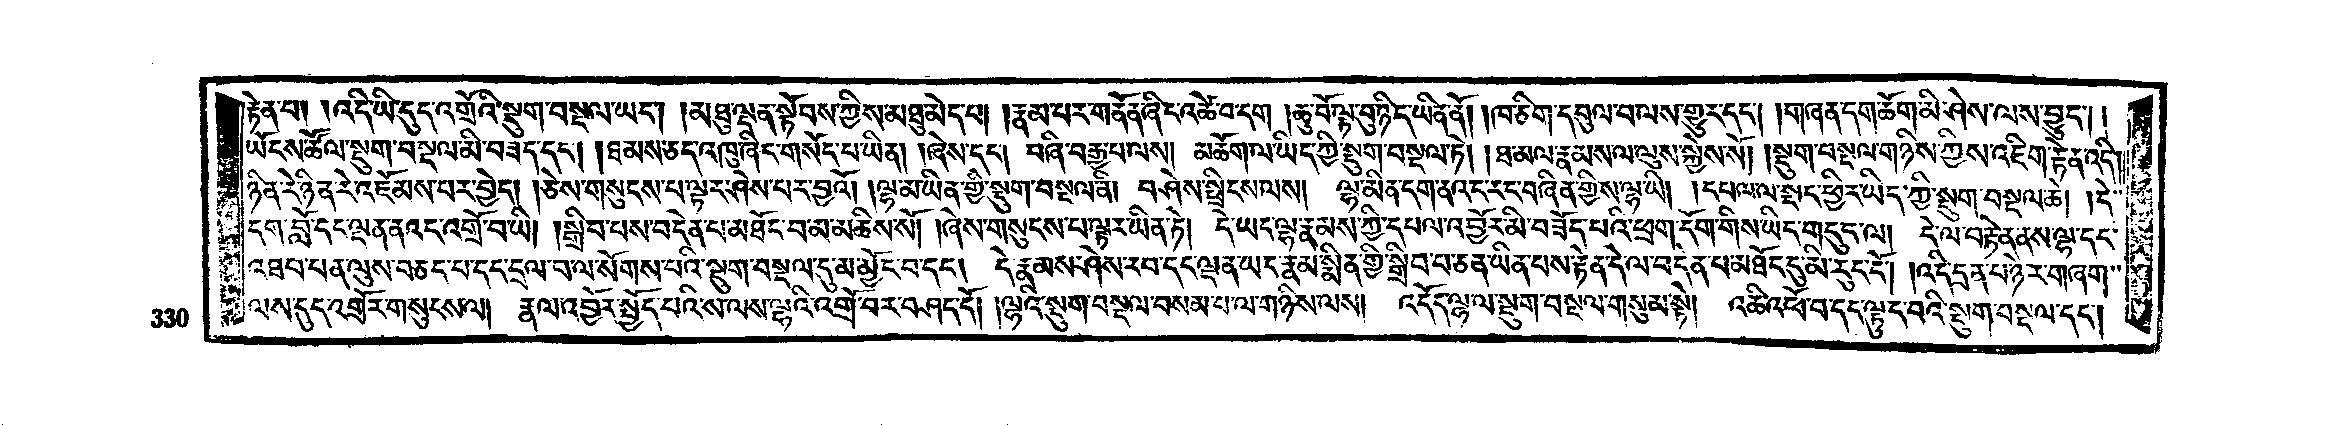རྟེན་པ། །འདི་ཡི་དུད་འགྲོའི་སྡུག་བསྔལ་ཡང་། །མཐུ་ལྡན་སྟོབས་ཀྱིས་མཐུ་མེད་པ། །རྣམ་པར་གནོན་ཞིང་འཚེ་བ་དག །ཆུ་བོ་ལྟ་བུ་ཉིད་ཡིན་ནོ། །ཁ་ཅིག་དབུལ་བ་ལས་གྱུར་དང་། །གཞན་དག་ཆོག་མི་ཤེས་ལས་བྱུང་། །
ཡོངས་ཚོལ་སྡུག་བསྔལ་མི་བཟད་དང་། །ཐམས་ཅད་འཁུ་ཞིང་གསོད་པ་ཡིན། །ཞེས་དང་། བཞི་བརྒྱ་པ་ལས། མཆོག་ལ་ཡིད་ཀྱི་སྡུག་བསྔལ་ཏེ། །ཐ་མལ་རྣམས་ལ་ལུས་སྐྱེས་སོ། །སྡུག་བསྔལ་གཉིས་ཀྱིས་འཇིག་རྟེན་འདི།།
ཉིན་རེ་ཉིན་རེ་འཇོམས་པར་བྱེད། །ཅེས་གསུངས་པ་ལྟར་ཤེས་པར་བྱའོ། །ལྷ་མ་ཡིན་གྱི་སྡུག་བསྔལ་ནི། བཤེས་སྤྲིངས་ལས། ལྷ་མིན་དག་ནའང་རང་བཞིན་གྱིས་ལྷ་ཡི། །དཔལ་ལ་སྡང་ཕྱིར་ཡིད་ཀྱི་སྡུག་བསྔལ་ཆེ། །དེ་
དག་བློ་དང་ལྡན་ན་འང་འགྲོ་བ་ཡི། །སྒྲིབ་པས་བདེན་པ་མཐོང་བ་མ་མཆིས་སོ། །ཞེས་གསུངས་པ་ལྟར་ཡིན་ཏེ། དེ་ཡང་ལྷ་རྣམས་ཀྱི་དཔལ་འབྱོར་མི་བཟོད་པའི་ཕྲག་དོག་གིས་ཡིད་གདུང་ལ། དེ་ལ་བརྟེན་ནས་ལྷ་དང་
འཐབ་པ་ན་ལུས་བཅད་པ་དང་དྲལ་བ་ལ་སོགས་པའི་སྡུག་བསྔལ་དུ་མ་མྱོང་བ་དང་། དེ་རྣམས་ཤེས་རབ་དང་ལྡན་ཡང་རྣམ་སྨིན་གྱི་སྒྲིབ་པ་ཅན་ཡིན་པས་རྟེན་དེ་ལ་བདེན་པ་མཐོང་དུ་མི་རུང་ངོ། །འདི་དྲན་པ་ཉེར་གཞག་
ལས་དུད་འགྲོར་གསུངས་ལ། རྣལ་འབྱོར་སྤྱོད་པའི་ས་ལས་ལྷའི་འགྲོ་བར་བཤད་དོ། །ལྷའི་སྡུག་བསྔལ་བསམ་པ་ལ་གཉིས་ལས། འདོད་ལྷ་ལ་སྡུག་བསྔལ་གསུམ་སྟེ། འཆི་འཕོ་བ་དང་ལྟུང་བའི་སྡུག་བསྔལ་དང་།